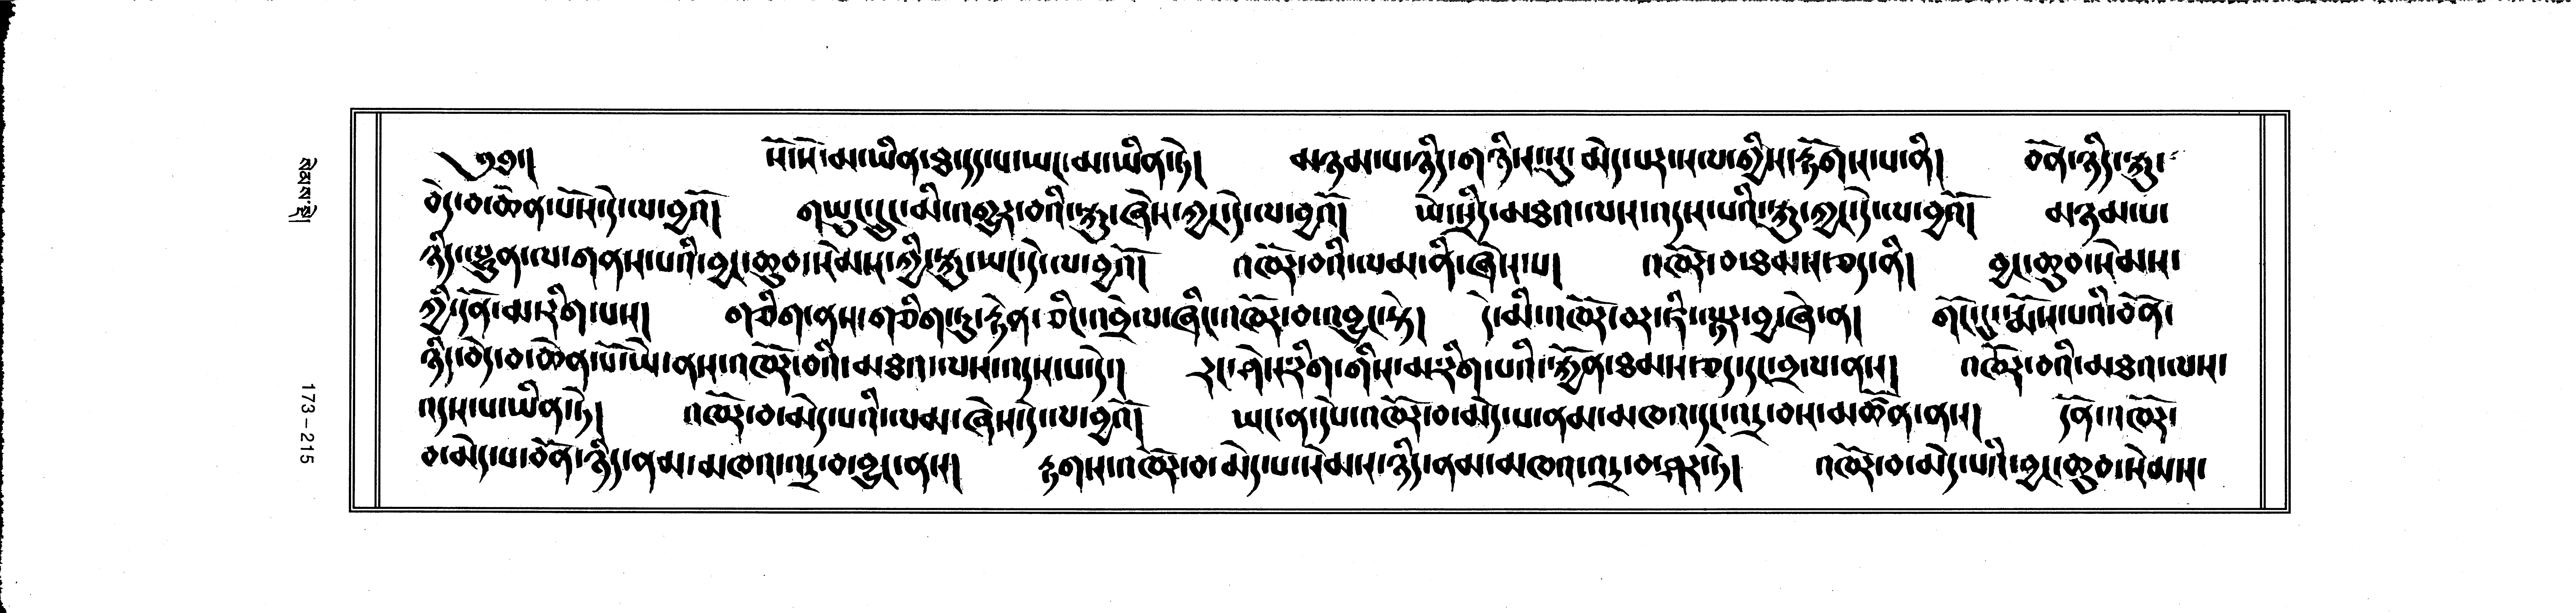སོ་སོ་མ་ཡིན་ཐ་དད་པ་ཡང་མ་ཡིན་ཏེ། མཉམ་པ་ཉིད་གཉིས་སུ་མེད་པར་སལ་གྱིས་རྟོགས་པ་ནི། བོན་ཉིད་སྐུ་
བདེ་བ་ཆེན་པོ་དེ་ལ་བྱའོ། །གཡུང་དྲུང་མི་འགྱུར་བའི་སྐུ་ཞེས་ཀྱང་དེ་ལ་བྱའོ། །ཡེ་སྲིད་མཐའ་ལས་འདས་པའི་སྐུ་ཀྱང་དེ་ལ་བྱའོ། །མཉམ་པ་
ཉིད་ལྷུན་ལ་གནས་པའི་བྱང་ཆུབ་ཀྱི་སེམས་ཀྱི་སྐུ་ཡང་དེ་ལ་བྱའོ། །འཁོར་བའི་ལམ་ནི་ཞེས་པ། འཁོར་བ་ཐམས་ཅད་ནི། བྱང་ཆུབ་སེམས་
ཀྱི་དོན་མ་རིག་པས། གཅིག་ནས་གཅིག་ཏུ་རྟེན་ཅིང་འབྲེལ་ཞིང་འཁོར་བ་འབྱུང་སྟེ། དེ་མི་འཁོར་བར་ཇི་ལྟར་བྱ་ཞེ་ན། གོང་དུ་སྨོས་པའི་བོན་
ཉིད་བདེ་བ་ཆེན་པོ་ཡེ་ནས་འཁོར་བའི་མཐའ་ལས་འདས་པ་དེ། རང་ཤེས་རིག་གིས་མ་རིག་པའི་སྐྱོན་ཐམས་ཅད་དང་བྲལ་ནས། འཁོར་བའི་མཐའ་ལས་
འདས་པ་ཡིན་ཏེ། འཁོར་བ་མེད་པའི་ལམ་ཞེས་དེ་ལ་བྱའོ། །ཡང་ན་དཔེ་འཁོར་བ་མེད་པ་ནམ་མཁའ་དང་འདྲ་བས་མཚོན་ནས། དོན་འཁོར་
བ་མེད་པ་བོན་ཉིད་ནམ་མཁའ་དང་འདྲ་བ་བྱུང་ནས། རྟགས་འཁོར་བ་མེད་པ་སེམས་ཉིད་ནམ་མཁའ་དང་འདྲ་བ་ཤར་ཏེ། འཁོར་བ་མེད་པའི་བྱང་ཆུབ་སེམས་